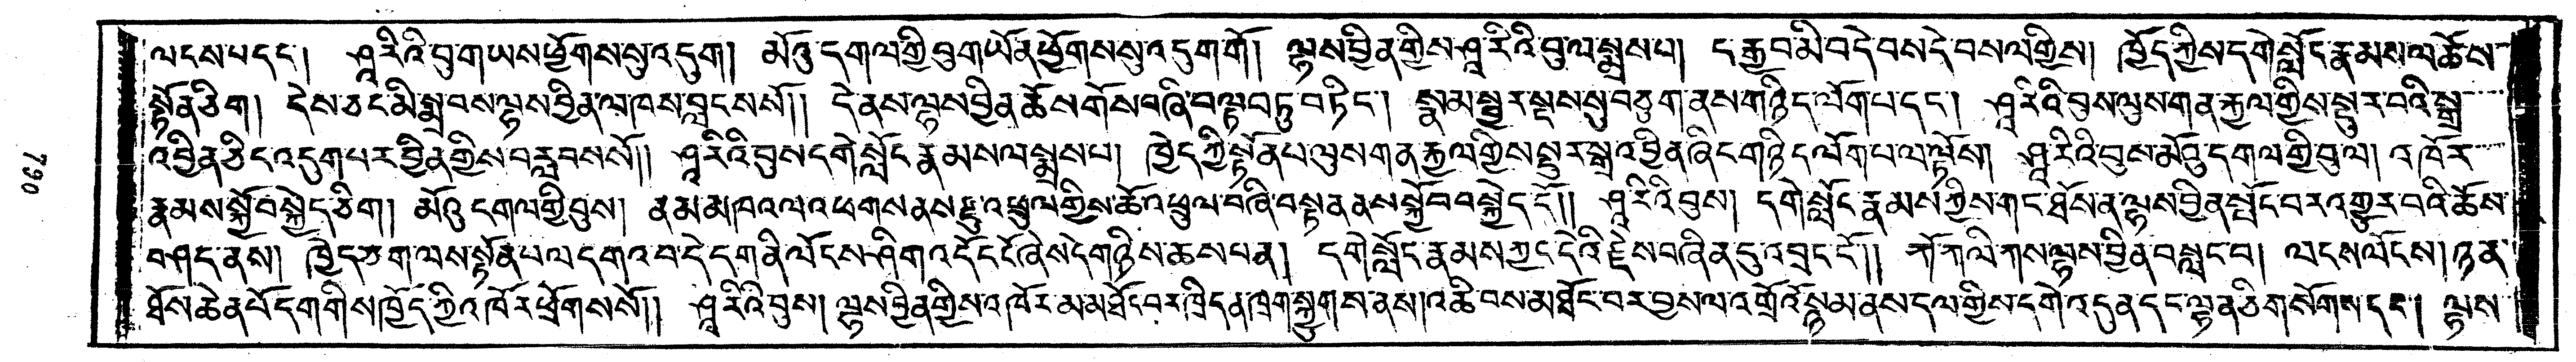ལངས་པ་དང་། ཤཱ་རིའི་བུ་གཡས་ཕྱོགས་སུ་འདུག། མོའུ་དགལ་གྱི་བུ་གཡོན་ཕྱོགས་སུ་འདུག་གོ། ལྷས་བྱིན་གྱིས་ཤཱ་རིའི་བུ་ལ་སྨྲས་པ། ང་རྒྱབ་མི་བདེ་བས་དེ་བསལ་གྱིས། ཁྱོད་ཀྱིས་དགེ་སློང་རྣམས་ལ་ཆོས་
སྟོན་ཅིག། དེས་ཅང་མི་སྨྲ་བས་ལྷས་བྱིན་ལ་ཁས་བླངས་སོ།། དེ་ནས་ལྷས་བྱིན་ཆོས་གོས་བཞི་བལྟབ་ཏུ་བཏིང་། སྣམ་སྦྱར་སྔགས་སུ་བཅུག་ནས་གཉིད་ལོག་པ་དང་། ཤཱ་རིའི་བུས་ལུས་གན་རྐྱལ་གྱིས་སྡུར་བའི་སྒྲ་
འབྱིན་ཅིང་འདུག་པར་བྱིན་གྱིས་བརླབས་སོ།། ཤཱ་རིའི་བུས་དགེ་སློང་རྣམས་ལ་སྨྲས་པ། ཁྱེད་ཀྱི་སྟོན་པ་ལུས་གན་རྐྱལ་གྱིས་སྔུར་སྒྲ་འབྱིན་ཞིང་གཉིད་ལོག་པ་ལ་ལྟོས། ཤཱ་རིའི་བུས་མོའུ་དགལ་གྱི་བུ་ལ། འཁོར་
རྣམས་སྐྱོབ་སྐྱེད་ཅིག། མོའུ་དགལ་གྱི་བུས། ནམ་མཁའ་ལ་འཕགས་ནས་རྫུ་འཕྲུལ་གྱིས་ཆོ་འཕྲུལ་བཞི་བསྟན་ནས་སྐྱོབ་བསྐྱེད་དོ།། ཤཱ་རིའི་བུས། དགེ་སློང་རྣམས་ཀྱིས་གང་ཐོས་ན་ལྷས་བྱིན་སྤོང་བར་འགྱུར་བའི་ཆོས་
བཤད་ནས། ཁྱེད་ཅག་ལས་སྟོན་པ་ལ་དགའ་བ་དེ་དག་ནི་ལོངས་ཤིག་འདོང་ངོ་ཞེས་དེ་གཉིས་ཆས་པ་ན། དགེ་སློང་རྣམས་ཀྱང་དེའི་རྗེས་བཞིན་དུ་འབྲང་ངོ།། ཀོ་ཀ་ལི་ཀས་ལྷས་བྱིན་བསླང་བ། ལངས་ལོངས། ཉན་
ཐོས་ཆེན་པོ་དག་གིས་ཁྱོད་ཀྱི་འཁོར་ཕྲོགས་སོ།། ཤཱ་རིའི་བུས། ལྷས་བྱིན་གྱིས་འཁོར་མ་མཐོང་བར་ཁྲིད་ན་ཁྲག་སྐྱུགས་ནས། འཆི་བས་མཐོང་བར་བྱས་ལ་འགྲོའོ་སྙམ་ནས་དལ་གྱིས་དགེ་འདུན་དང་ལྷན་ཅིག་སོགས་དང་། ལྷས་